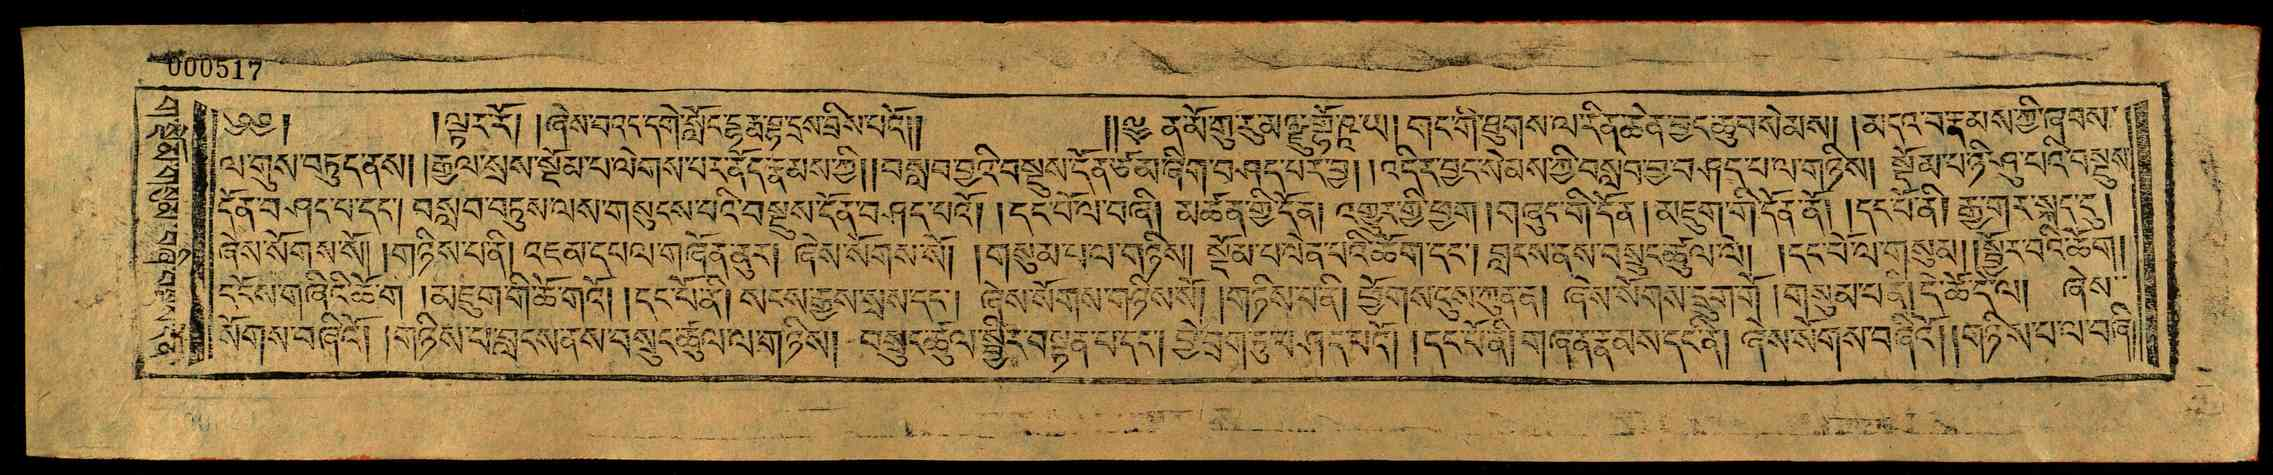༄༅། །ལྟར་རོ། །ཞེས་པའང་དགེ་སློང་དྷརྨ་བྷ་དྲས་བྲིས་པའོ།། །། ༈ ན་མོ་གུ་རུ་མཉྫུ་གྷོ་ཥཱ་ཡ། གང་གི་ཐུགས་ལ་རིན་ཆེན་བྱང་ཆུབ་སེམས། །མངའ་བ་རྣམས་ཀྱི་ཞབས་
ལ་གུས་བཏུད་ནས། །རྒྱལ་སྲས་སྡོམ་པ་ལེགས་པར་ནོད་རྣམས་ཀྱི། །བསླབ་བྱའི་བསྡུས་དོན་ཙམ་ཞིག་བཤད་པར་བྱ། །འདིར་བྱང་སེམས་ཀྱི་བསླབ་བྱ་བཤད་པ་ལ་གཉིས། སྡོམ་པ་ཉི་ཤུ་པའི་བསྡུས་
དོན་བཤད་པ་དང་། བསླབ་བཏུས་ལས་གསུངས་པའི་བསྡུས་དོན་བཤད་པའོ། །དང་པོ་ལ་བཞི། མཚན་གྱི་དོན། འགྱུར་གྱི་ཕྱག །གཞུང་གི་དོན། མཇུག་གི་དོན་ནོ། །དང་པོ་ནི། རྒྱ་གར་སྐད་དུ་
ཞེས་སོགས་སོ། །གཉིས་པ་ནི། འཇམ་དཔལ་གཞོན་ནུར། ཞེས་སོགས་སོ། །གསུམ་པ་ལ་གཉིས། སྡོམ་པ་ལེན་པའི་ཆོ་ག་དང་། བླངས་ནས་བསྲུང་ཚུལ་ལོ། །དང་པོ་ལ་གསུམ། །སྦྱོར་བའི་ཆོ་ག་
དངོས་གཞིའི་ཆོ་ག །མཇུག་གི་ཆོ་གའོ། །དང་པོ་ནི། སངས་རྒྱས་སྲས་དང་། ཞེས་སོགས་གཉིས་སོ། །གཉིས་པ་ནི། ཕྱོགས་དུས་ཀུན་ན། ཞེས་སོགས་དྲུག་གོ །གསུམ་པ་ནི། དེ་ཚེ་དེ་ལ། ཞེས་
སོགས་བཞིའོ། །གཉིས་པ་བླངས་ནས་བསྲུང་ཚུལ་ལ་གཉིས། བསྲུང་ཚུལ་སྤྱིར་བསྟན་པ་དང་། བྱེ་བྲག་ཏུ་བཤད་པའོ། །དང་པོ་ནི། གཞན་རྣམས་དང་ནི། ཞེས་སོགས་བཞིའོ། །གཉིས་པ་ལ་བཞི་